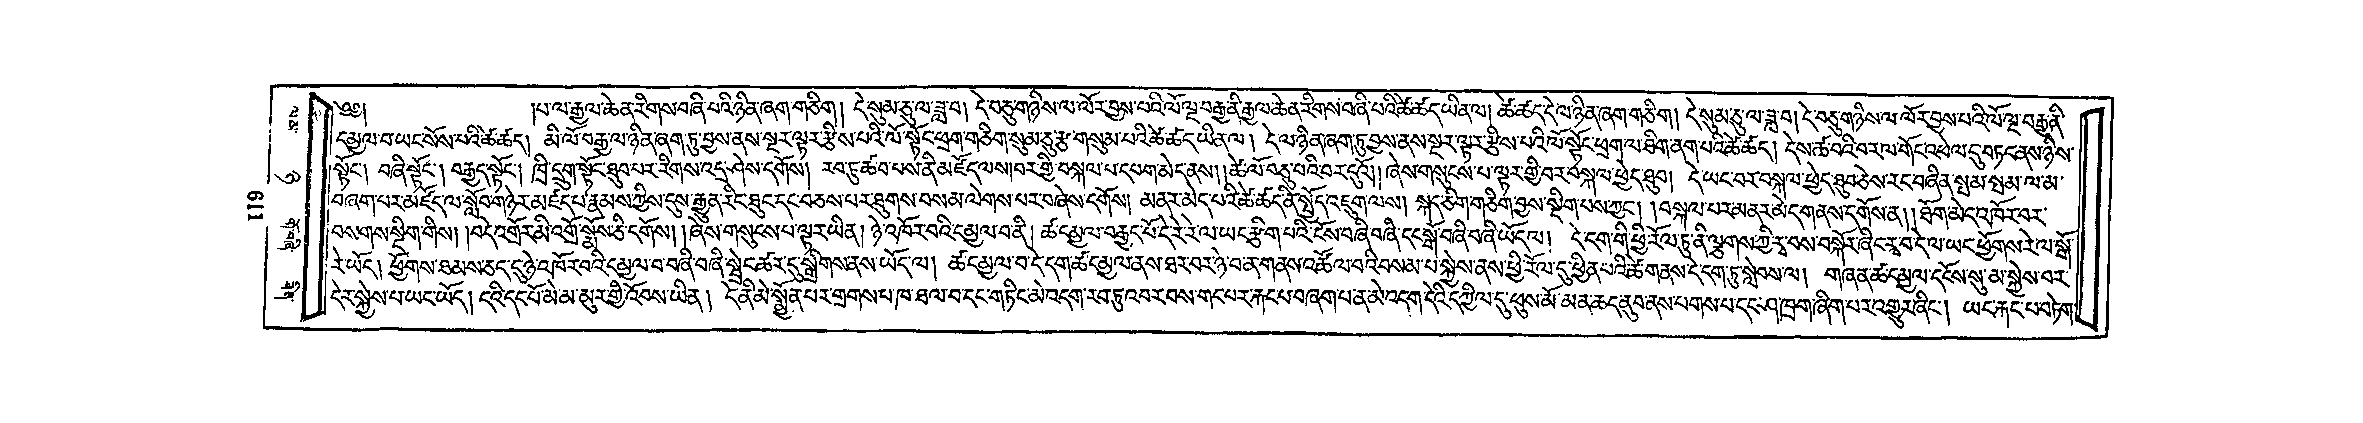༄༅། །པ་ལ་རྒྱལ་ཆེན་རིགས་བཞི་པའི་ཉིན་ཞག་གཅིག །དེ་སུམ་ཅུ་ལ་ཟླ་བ། དེ་བཅུ་གཉིས་ལ་ལོར་བྱས་པའི་ལོ་ལྔ་བརྒྱ་ནི་རྒྱལ་ཆེན་རིགས་བཞི་པའི་ཚེ་ཚད་ཡིན་ལ། ཚེ་ཚད་དེ་ལ་ཉིན་ཞག་གཅིག །དེ་སུམ་ཅུ་ལ་ཟླ་བ། དེ་བཅུ་གཉིས་ལ་ལོར་བྱས་པའི་ལོ་ལྔ་བརྒྱ་ནི་
དམྱལ་བ་ཡང་སོས་པའི་ཚེ་ཚད། མི་ལོ་བརྒྱ་ལ་ཉིན་ཞག་ཏུ་བྱས་ནས་སྔར་ལྟར་རྩིས་པའི་ལོ་སྟོང་ཕྲག་གཅིག་སུམ་ཅུ་རྩ་གསུམ་པའི་ཚེ་ཚད་ཡིན་ལ། དེ་ལ་ཉིན་ཞག་ཏུ་བྱས་ནས་སྔར་ལྟར་རྩིས་པའི་ལོ་སྟོང་ཕྲག་ལ་ཐིག་ནག་པའི་ཚེ་ཚད། དེས་ཚ་བའི་བར་ལ་གོང་འཕེལ་དུ་བཏང་ནས་ཉིས་
སྟོང་། བཞི་སྟོང་། བརྒྱད་སྟོང་། ཁྲི་དྲུག་སྟོང་ཐུབ་པར་རིགས་འདྲ་ཤེས་དགོས། རབ་ཏུ་ཚབ་པས་ནི་མཛོད་ལས། བར་གྱི་བསྐལ་པ་དཔག་མེད་ནས། །ཚེ་ལོ་བཅུ་པའི་བར་དུའོ། །ཞེས་གསུངས་པ་ལྟར་གྱི་བར་བསྐལ་ཕྱེད་ཐུབ། དེ་ཡང་བར་བསྐལ་ཕྱེད་ཐུབ་ཅེས་རང་བཞིན་སྤམ་སྤམ་ལ་མ་
བཞག་པར་མཛོད་ལ་སློབ་གཉེར་མཛད་པ་རྣམས་ཀྱིས་དུས་རྒྱུན་རིང་ཐུང་དང་བཅས་པར་ཐུགས་བསམ་ལེགས་པར་བཞེས་དགོས། མནར་མེད་པའི་ཚེ་ཚད་ནི་སྤྱོད་འཇུག་ལས། སྐད་ཅིག་གཅིག་བྱས་སྡིག་པས་ཀྱང་། །བསྐལ་པར་མནར་མེད་གནས་དགོས་ན། །ཐོག་མེད་འཁོར་བར་
བསགས་སྡིག་གིས། །བདེ་འགྲོར་མི་འགྲོ་སྨོས་ཅི་དགོས། །ཞེས་གསུངས་པ་ལྟར་ཡིན། ཉེ་འཁོར་བའི་དམྱལ་བ་ནི། ཚ་དམྱལ་བརྒྱད་པོ་དེ་རེ་རེ་ལ་ཡང་རྩིག་པའི་ངོས་བཞི་བཞི་དང་སྒོ་བཞི་བཞི་ཡོད་ལ། དེ་དག་གི་ཕྱི་རོལ་ཏུ་ནི་ལྕགས་ཀྱི་རྭ་བས་བསྐོར་ཞིང་རྭ་བ་དེ་ལ་ཡང་ཕྱོགས་རེ་ལ་སྒོ་
རེ་ཡོད། ཕྱོགས་ཐམས་ཅད་དུ་ཉེ་འཁོར་བའི་དམྱལ་བ་བཞི་བཞི་སྦྲེང་ཚར་དུ་སྒྲིགས་ནས་ཡོད་ལ། ཚ་དམྱལ་བ་དེ་དག་ཚ་དམྱལ་ནས་ཐར་བར་ཉེ་བ་ན་གནས་འཚོལ་བའི་བསམ་པ་སྐྱེས་ནས་ཕྱི་རོལ་དུ་ཕྱིན་པའི་ཚེ་གནས་དེ་དག་ཏུ་སླེབས་ལ། གཞན་ཚ་དམྱལ་དངོས་སུ་མ་སྐྱེས་བར་
དེར་སྐྱེས་པ་ཡང་ཡོད། དའི་དང་པོ་མེ་མ་མུར་གྱི་འོབས་ཡིན། དེ་ནི་མེ་སྨྱོན་པར་གྲགས་པ་ཁ་ཐལ་བ་དང་གཏིང་མེ་འདག་རབ་ཏུ་འབར་བས་གང་པར་རྐང་པ་བཞག་པ་ན་མེ་འདག་དེའི་དཀྱིལ་དུ་ཕུས་མོ་མན་ཆད་ནུབ་ནས་པགས་པ་དང་ཤ་ཁྲག་ཞིག་པར་འགྱུར་ཞིང་། ཡང་རྐང་པ་བཏེག་